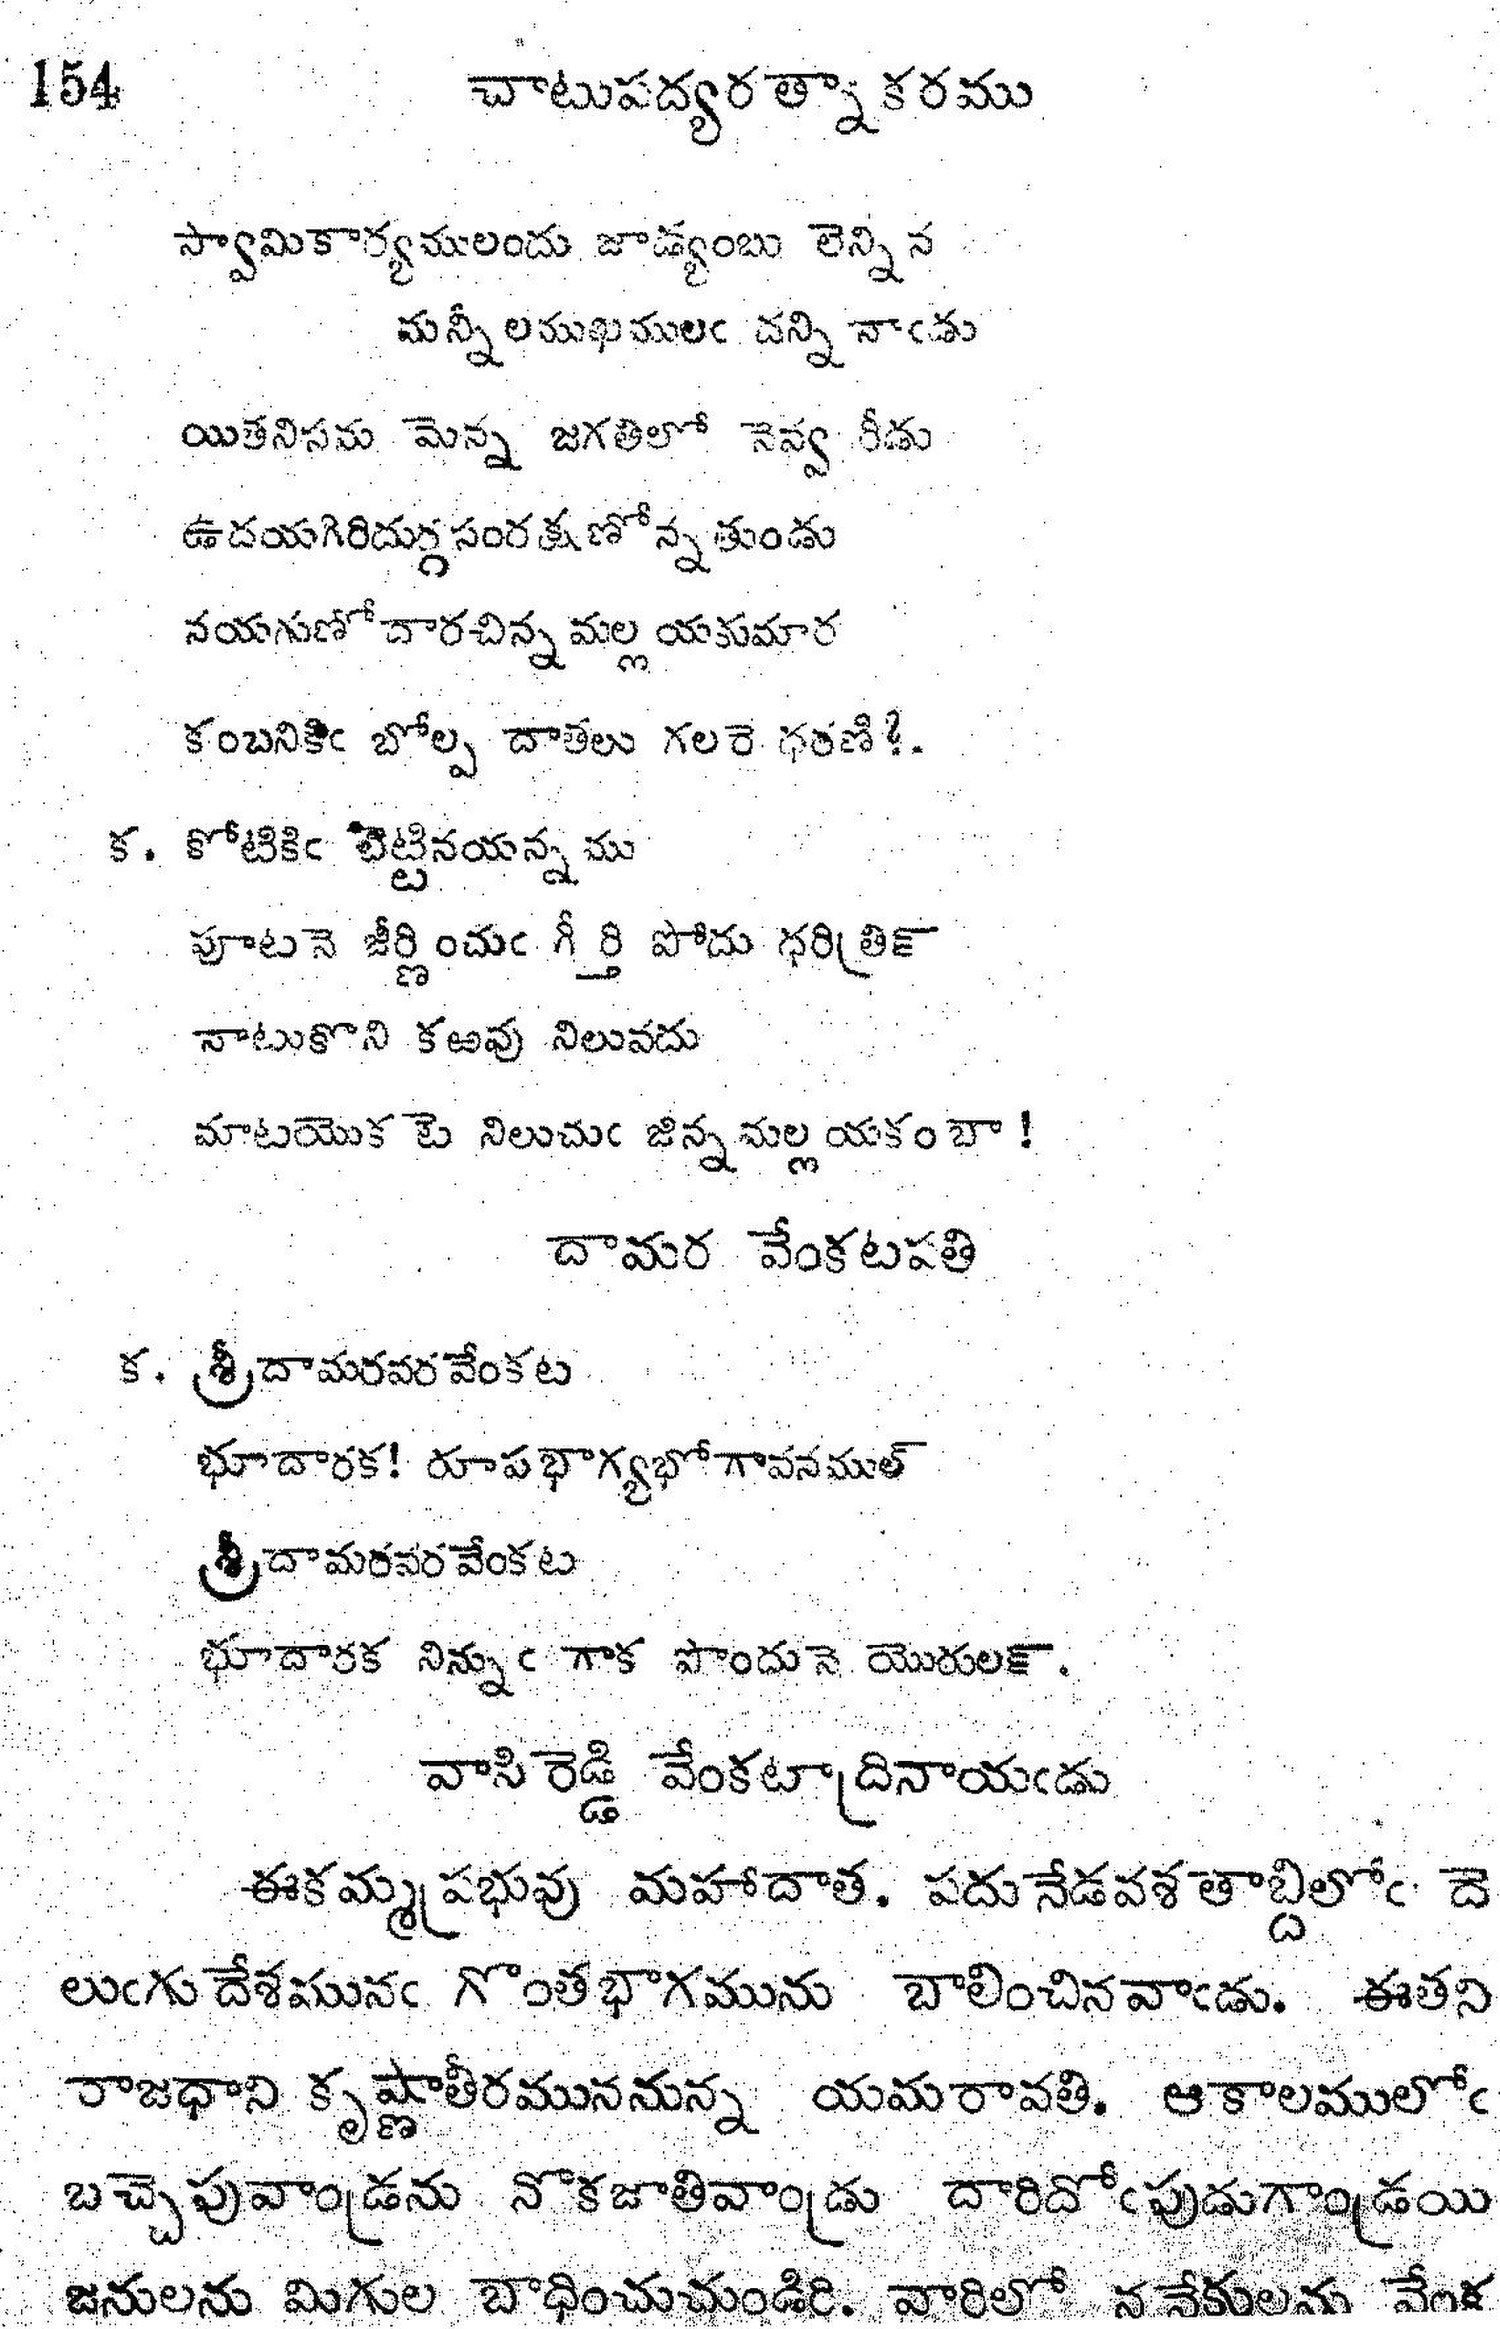స్వామికార్యములందు జాడ్యంబు లెన్నిన
 మన్నీలముఖములఁ దన్నినాఁడు
 యితనిసమ మెన్న జగతిలో నెవ్వ రీడు
 ఉదయగిరిదుర్గసంరక్షణోన్నతుండు
 నయగుణోదారచిన్నమల్లయకుమార
 కంబనికిఁ బోల్ప దాతలు గలరె ధరణి?

క. కోటికిఁ బెట్టినయన్నము
 పూటనె జీర్ణించుఁ గీర్తి పోదు ధరిత్రిన్
 నాటుకొని కఱవు నిలువదు
 మాటయొకటె నిలుచుఁ జిన్నమల్లయకంబా!

క. శ్రీదామరవరవేంకట
 భూదారక! రూపభాగ్యభోగావనముల్
 శ్రీదామరవరవేంకట
 భూదారక నిన్నుఁ గాక పొందునె యొరులన్.

ఈకమ్మప్రభువు మహాదాత. పదునేడవశతాబ్దిలో దెలుఁగుదేశమునఁ గొంతభాగమును బాలించినవాఁడు. ఈతని రాజధాని కృష్ణాతీరముననున్న యమరావతి. ఆకాలములోఁ బచ్చెపువాండ్రను నొకజాతివాండ్రు దారిదోఁపుడుగాండ్రయి జనులను మిగుల బాధించుచుండిరి. వారిలో ననేకులను వేంక